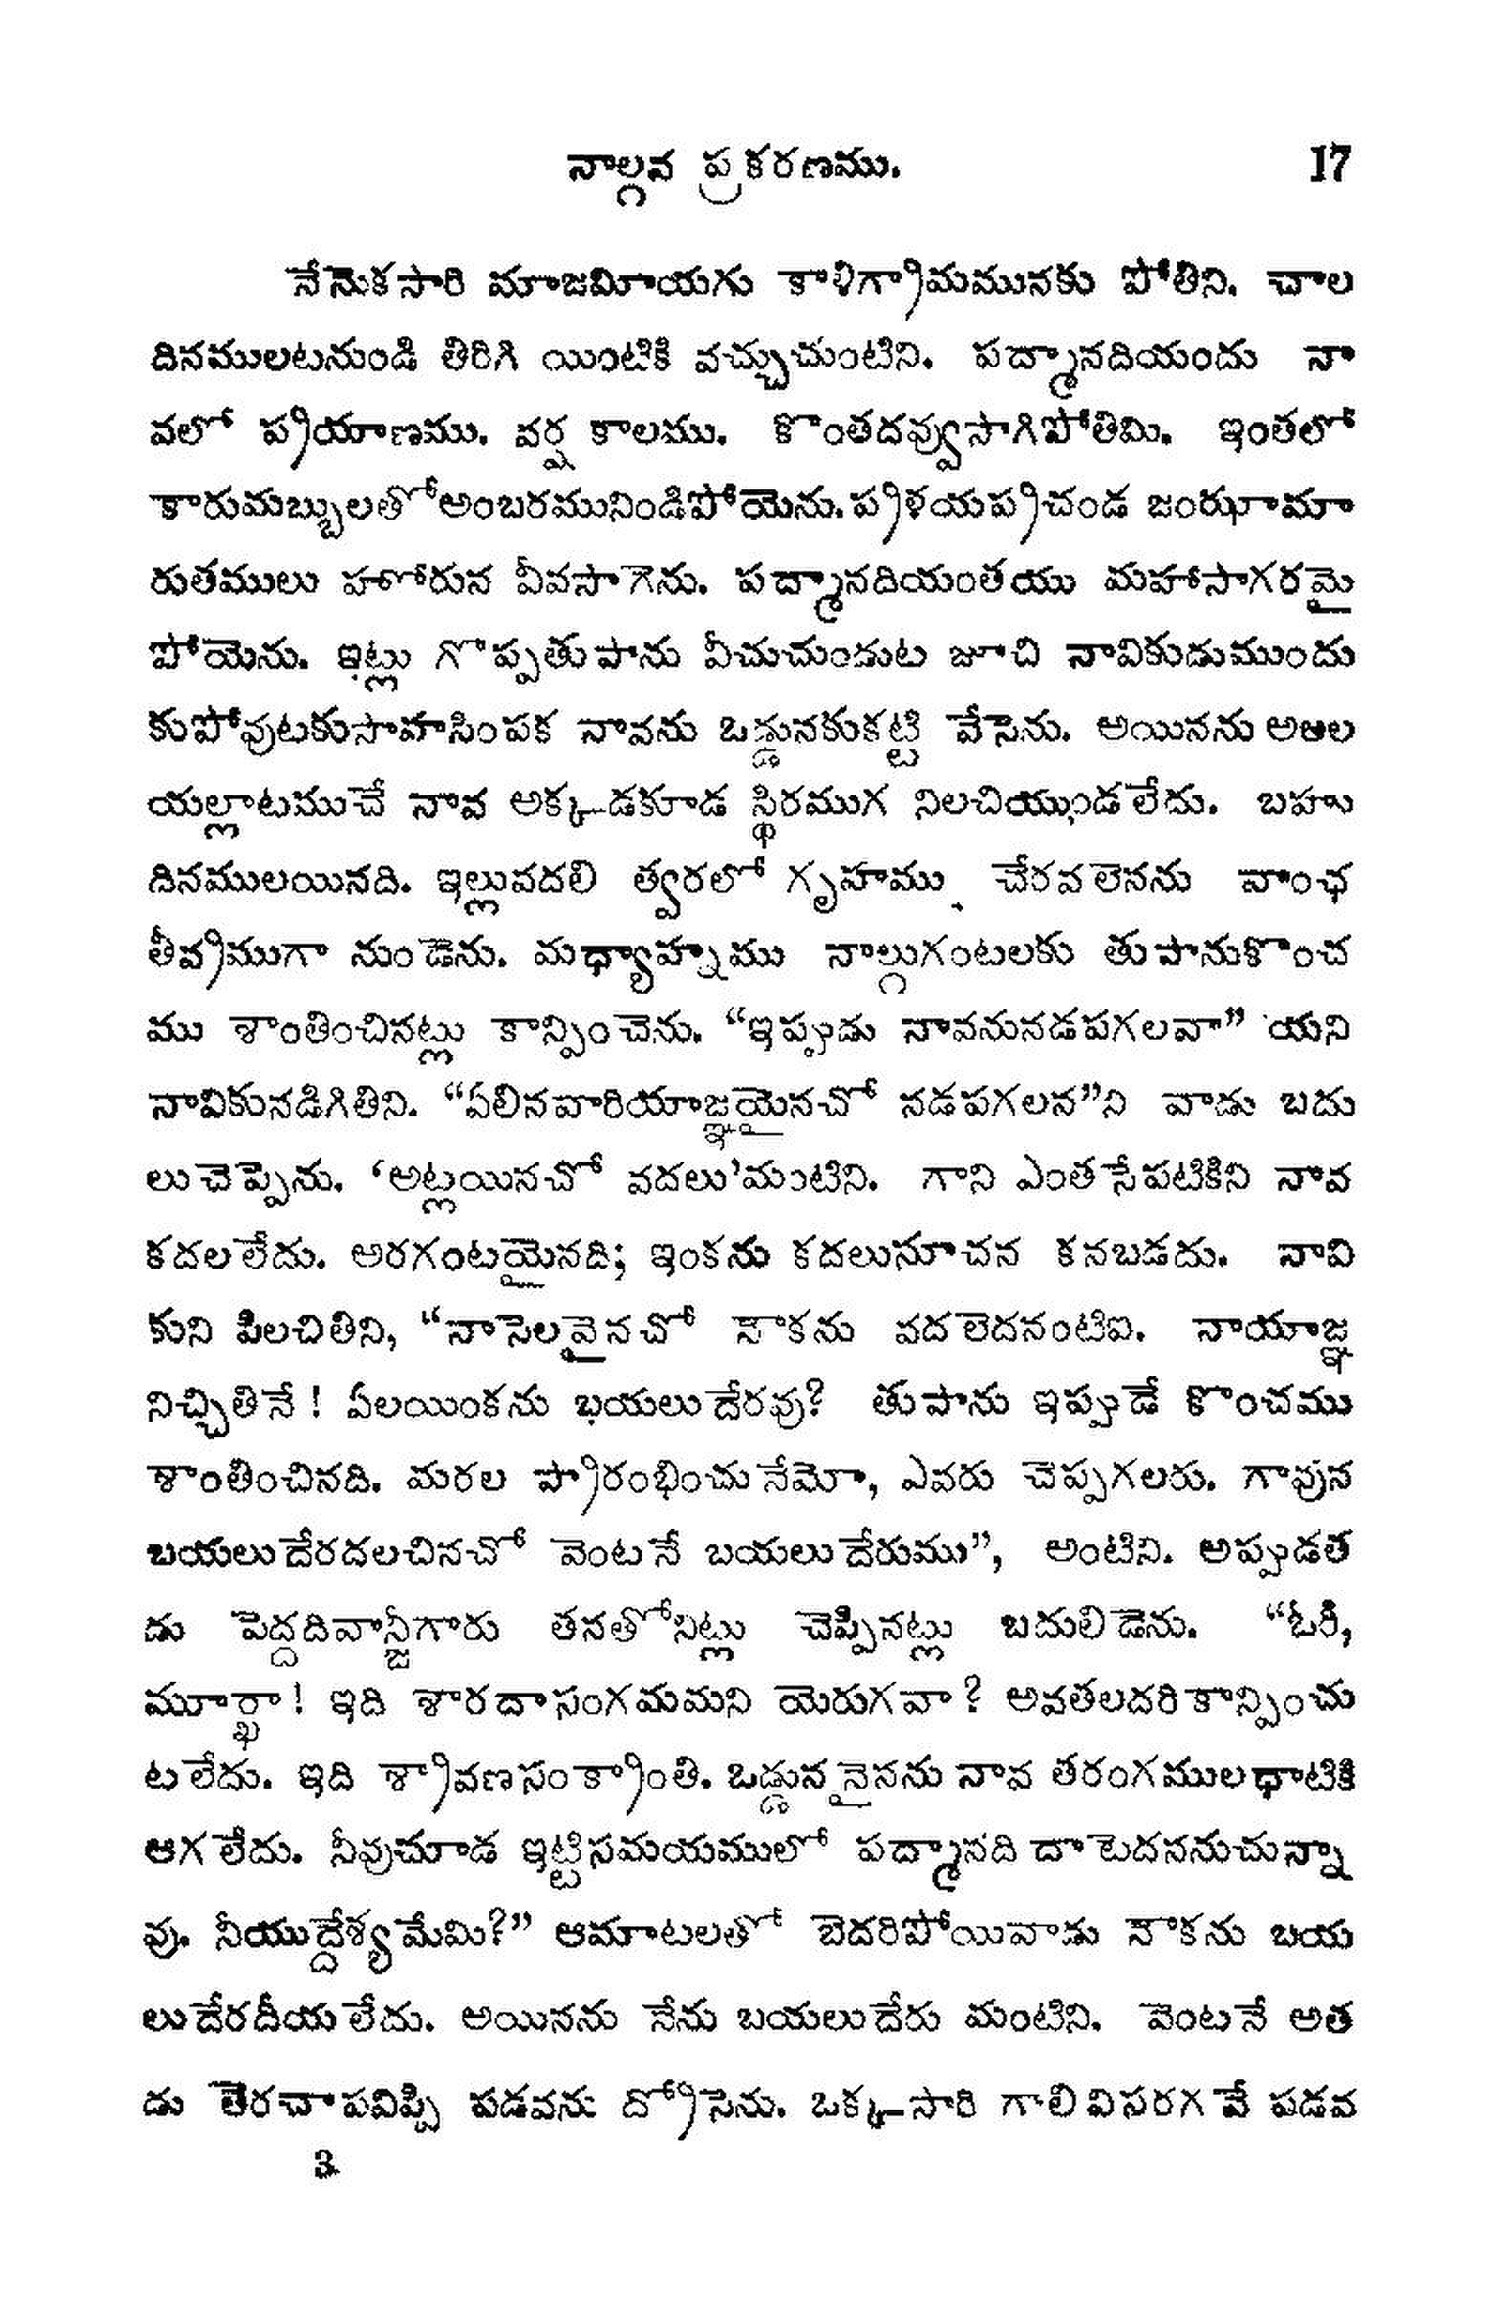నేనెక సారి మాజమీయగు కాళిగ్రామమునకు పోతిని, చాల దినము లటనుండి తిరిగి యింటికి వచ్చు చుంటిని. పద్మానది యందు నావలో ప్రయాణము. వర్ష కాలము. కొంతదవ్వు సాగిపోతిమి, ఇంతలో కారుమబ్బులతో అంబరమునిండిపోయెను. ప్రళయప్రచండ జంఝామారుతములు హోరున వీవసాగెను. పద్మానదియంతయు మహాసాగరమై పోయెను. ఇట్లు గోప్పతుపాను వీచుచుండుట జూచి నావికుడుముందు కుపోవుటకు సాహసింపక నావను ఒడ్డునకుకట్టి వేసెను. అయినను అజల యల్లాటముచే నావ అక్కడకూడ స్థిరముగ నిలచియుండ లేదు. బహు దినములయినది. ఇల్లువదలి త్వరలో గృహము, చేరవలెనను వాంఛ తీవముగా నుండెను. మధ్యాహ్నము నాల్గుగంటలకు తుపానుకొంచము శాంతించినట్లు కాన్పించెను. “ఇప్పుడు నావను నడపగలవా” 'యని నావికునడిగితిని. “ఏలినవారి యాజ్ఞయైనచో నడపగలన"ని వాడు బదులు చెప్పెను. 'అట్లయినచో వదలు'మంటిని. గాని ఎంత సేపటికిని నావ కదల లేదు. అరగంటయైనది; ఇంకను కదలునూచన కనబడదు. నావి కుని పిలచితిని, “నా సెలవైనచో నౌకను వద లెదనంటిఐ. నాయజ్ఞ నిచ్చితినే ! ఏలయింకను బయలు దేరవు? తుపాను ఇప్పుడే కొంచము శాంతించినది. మరల ప్రారంభించు నేమో, ఎవరు చెప్పగలరు. గావున బయలు దేరదలచినచో 'వెంటనే బయలు దేరుము”, అంటిని. అప్పుడతడు పెద్ద దివాన్జీగారు తనతో నట్లు చెప్పినట్లు బదులి డెను. "ఓరీ, మూర్ఖ! ఇది శారదా సంగమమని యెరుగవా ? అవతలదరి కాన్పించుట లేదు. ఇది శ్రావణ సంక్రాంతి. ఒడ్డున నైనను నావ తరంగముల ధాటికి ఆగ లేదు. నీవు చూడ ఇట్టి సమయములో పద్మానది దాటెదననుచున్నావు. నీయుద్దేశ్యమేమి?” ఆమాటలతో బెదరి పోయివాడు నౌకను బయలుదేరదీయ లేదు. అయినను నేను బయలు దేరు మంటినీ, వెంటనే అతడు తెరచాపవిప్పి పడవను దో సెను. ఒక్కసారి గాలి విసరగనే పడవ